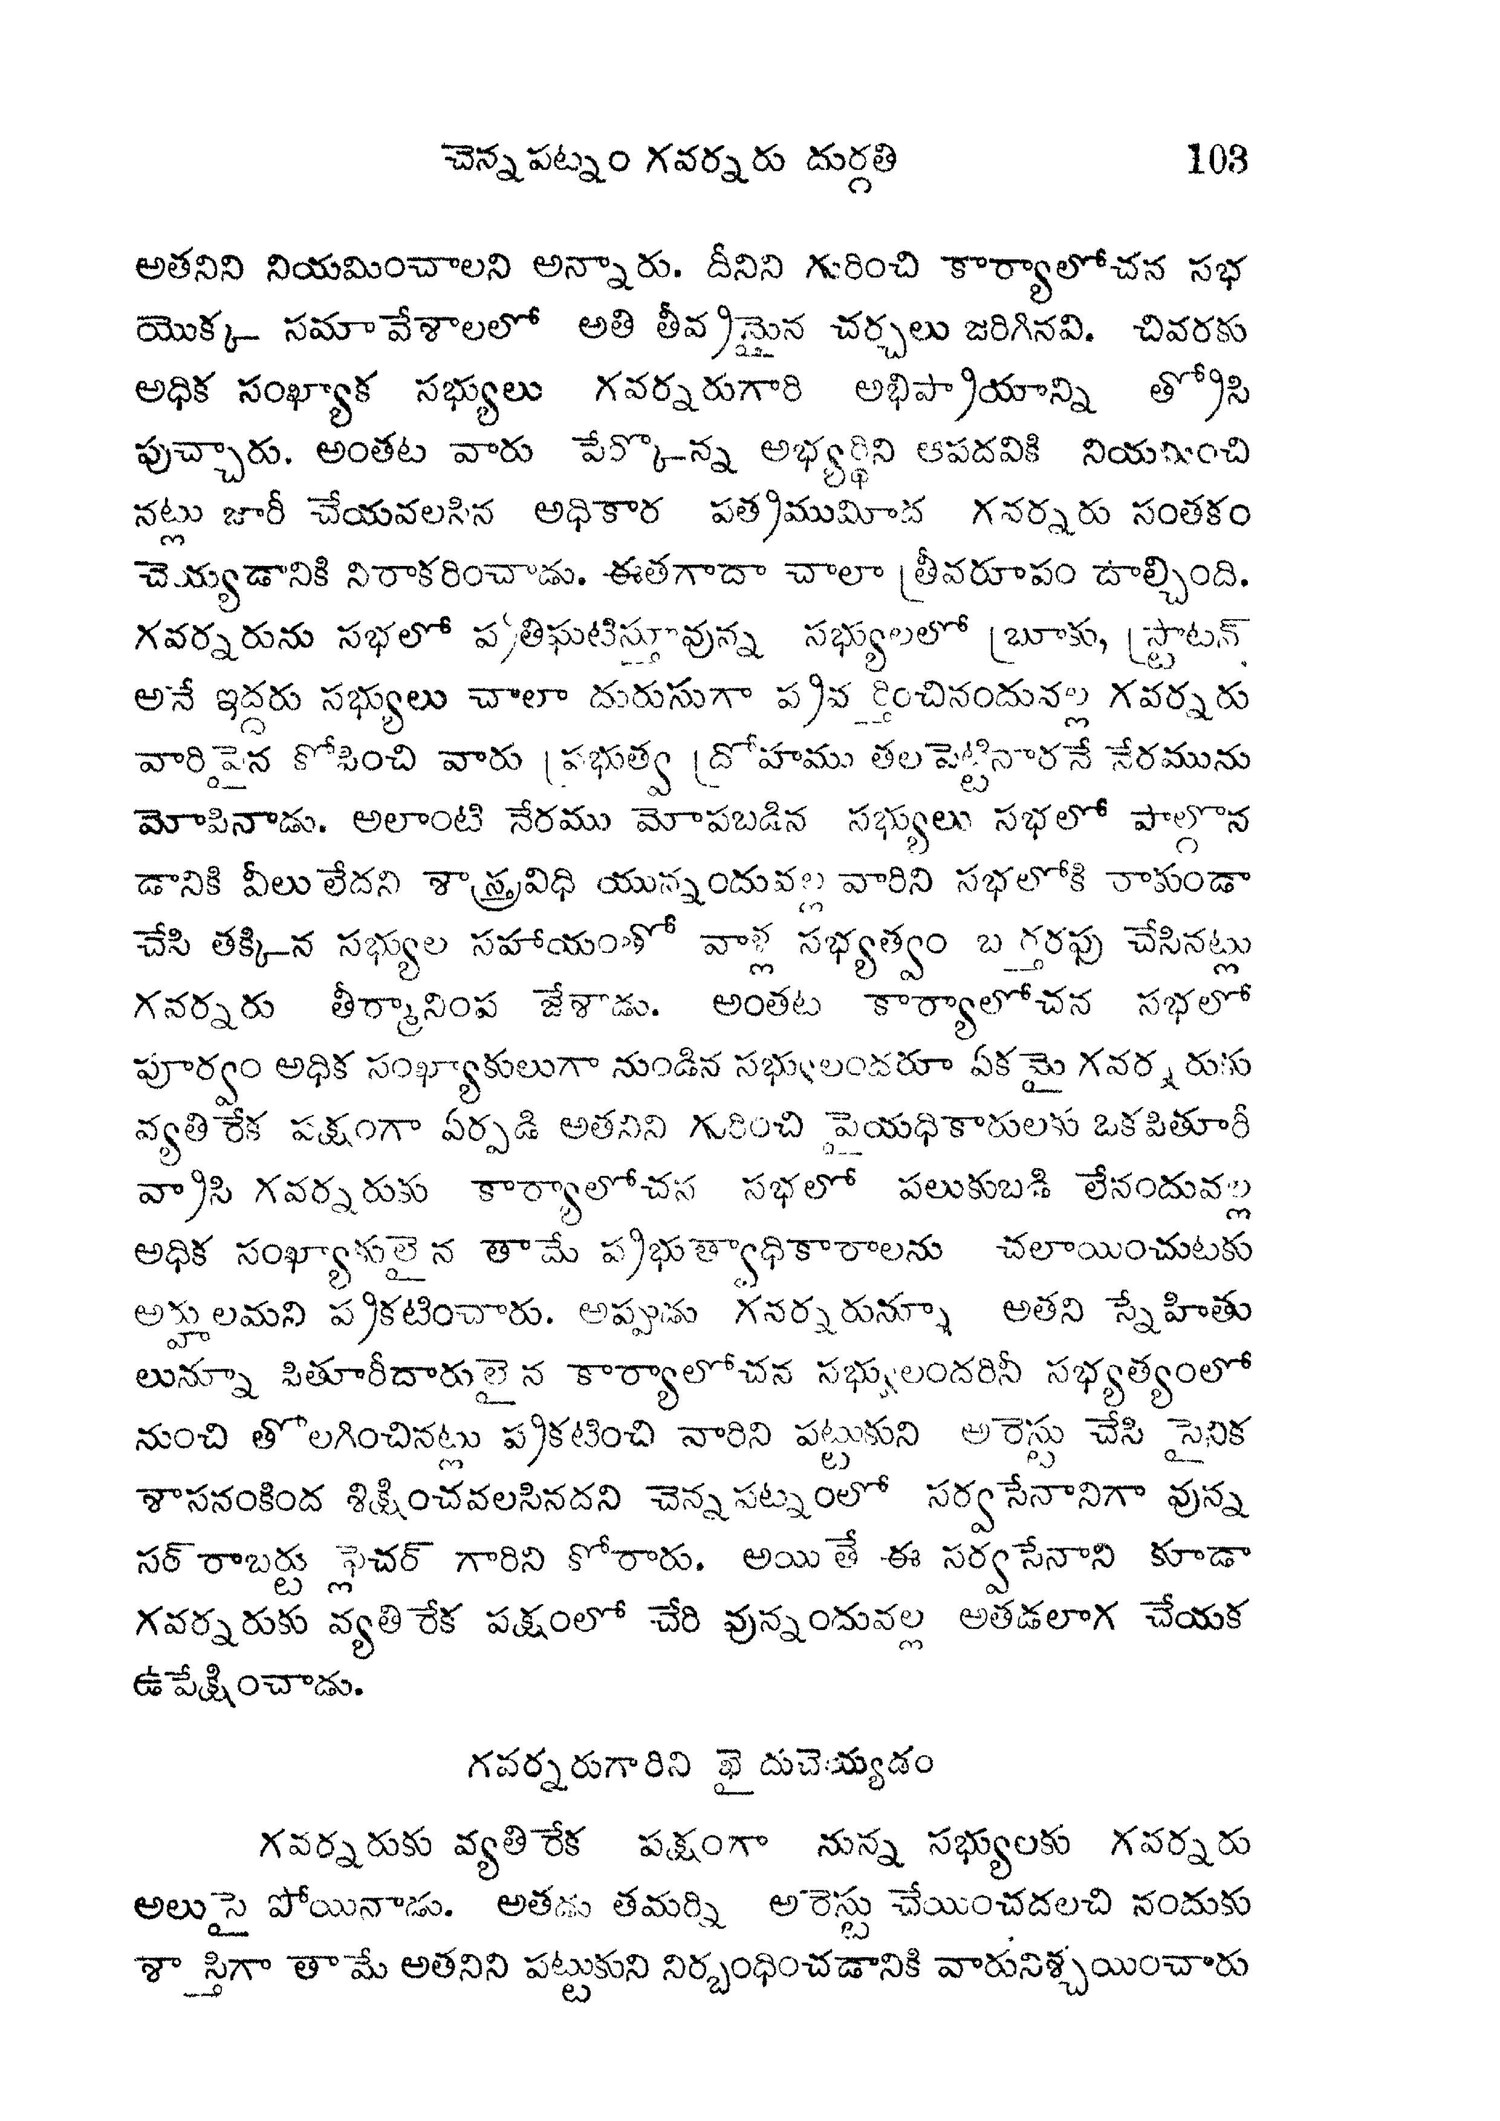అతనిని నియమించాలని అన్నారు. దీనిని గురించి కార్యాలోచన సభ యొక్క సమావేశాలలో అతి తీవ్రమైన చర్చలు జరిగినవి. చివరకు అధిక సంఖ్యాక సభ్యులు గవర్నరుగారి అభిప్రాయాన్ని త్రోసిపుచ్చారు. అంతతా వారు పేర్కొన్న అభ్యర్హిని ఆపదవికి నియమించినట్లు జారీ చేయవలసిన అధికార పత్రముమీద గవర్నరు సంతకం చెయ్యడానికి నిరాకరించాడు. ఈ తగాదా చాలా తీవ్రరూపం దాల్చింది. గవర్నరును సభలో ప్రతిఘటిస్తూవున్న సభ్యులలో బ్రూకు స్ట్రాటన్ అనే ఇద్దరు సభ్యులు చాలా దురుసుగా ప్రవర్తించినందువల్ల గవర్నరు వారిపైన కోపించి వారు ప్రభుత్వ ద్రోహము తలపెట్టినారనే నేరమును మోపునాడు. అలాంటి నేరము మోపబడిన సభ్యులు సభలో పాల్గొనడానికి వీలులేదని శాస్త్రవిధి యున్నందువల్ల వారిని సభలోకి రాకుండా చేసి తక్కిన సభ్యుల సహాయంతో వాళ్ల సభ్యత్వం బర్తరపు చేసినట్లు గవర్నరు తీర్మానింప జేశారు. అంతట కార్యాలోచన సభలో పూర్వం అధిక సంఖ్యాకులుగా నుండిన సభ్యులందరూ ఏకమై గవర్నరుకు వ్యతిరేక పక్షంగా ఏర్పడి అతనిని గురించి పైయధికారులకు ఒకపితూరీ వ్రాసి గవర్నరును కార్యాలోచన సభలో పలుకుబడి లేనందువల్ల అధిక సంఖ్యాకులైన తామే ప్రభుత్వాధికారాలను చలాయించుటకు అర్హులమని ప్రకటిందారు. అప్పుడు గవర్నరున్నూ అతని స్నేహితులున్నూ పితూరీదారులైన కార్యాలోచన సభ్యులందరినీ సభ్యత్యంలో నుంచి తొలగించినట్లు ప్రకటించి వారిని పట్టుకుని అరెస్టు చేసి సైనిక శాసనంకింద శిక్షించవలసినదని చెన్నపట్నంలో సర్వసేనానిగా వున్న సర్ రాబర్టు ప్లెచర్ గార్ని కోరారు. అయితే ఈ సర్వసేనాని కూడా గవర్నరుకు వ్యతిరేక పక్షంలో చేరి వున్నందువల్ల అతడలాగ చేయక ఉపేక్షించాడు.

గవర్నరుకు వ్యతిరేక పక్షంగ నున్న సభ్యులకు గవర్నరు అలుసైపోయినాడు. అతడు తమర్ని అరెస్టు చేయించదలచి నందుకు శాస్తిగా తామే అతనిని పట్టుకుని నిర్భంధించడానికి వారు నిశ్చయించారు.